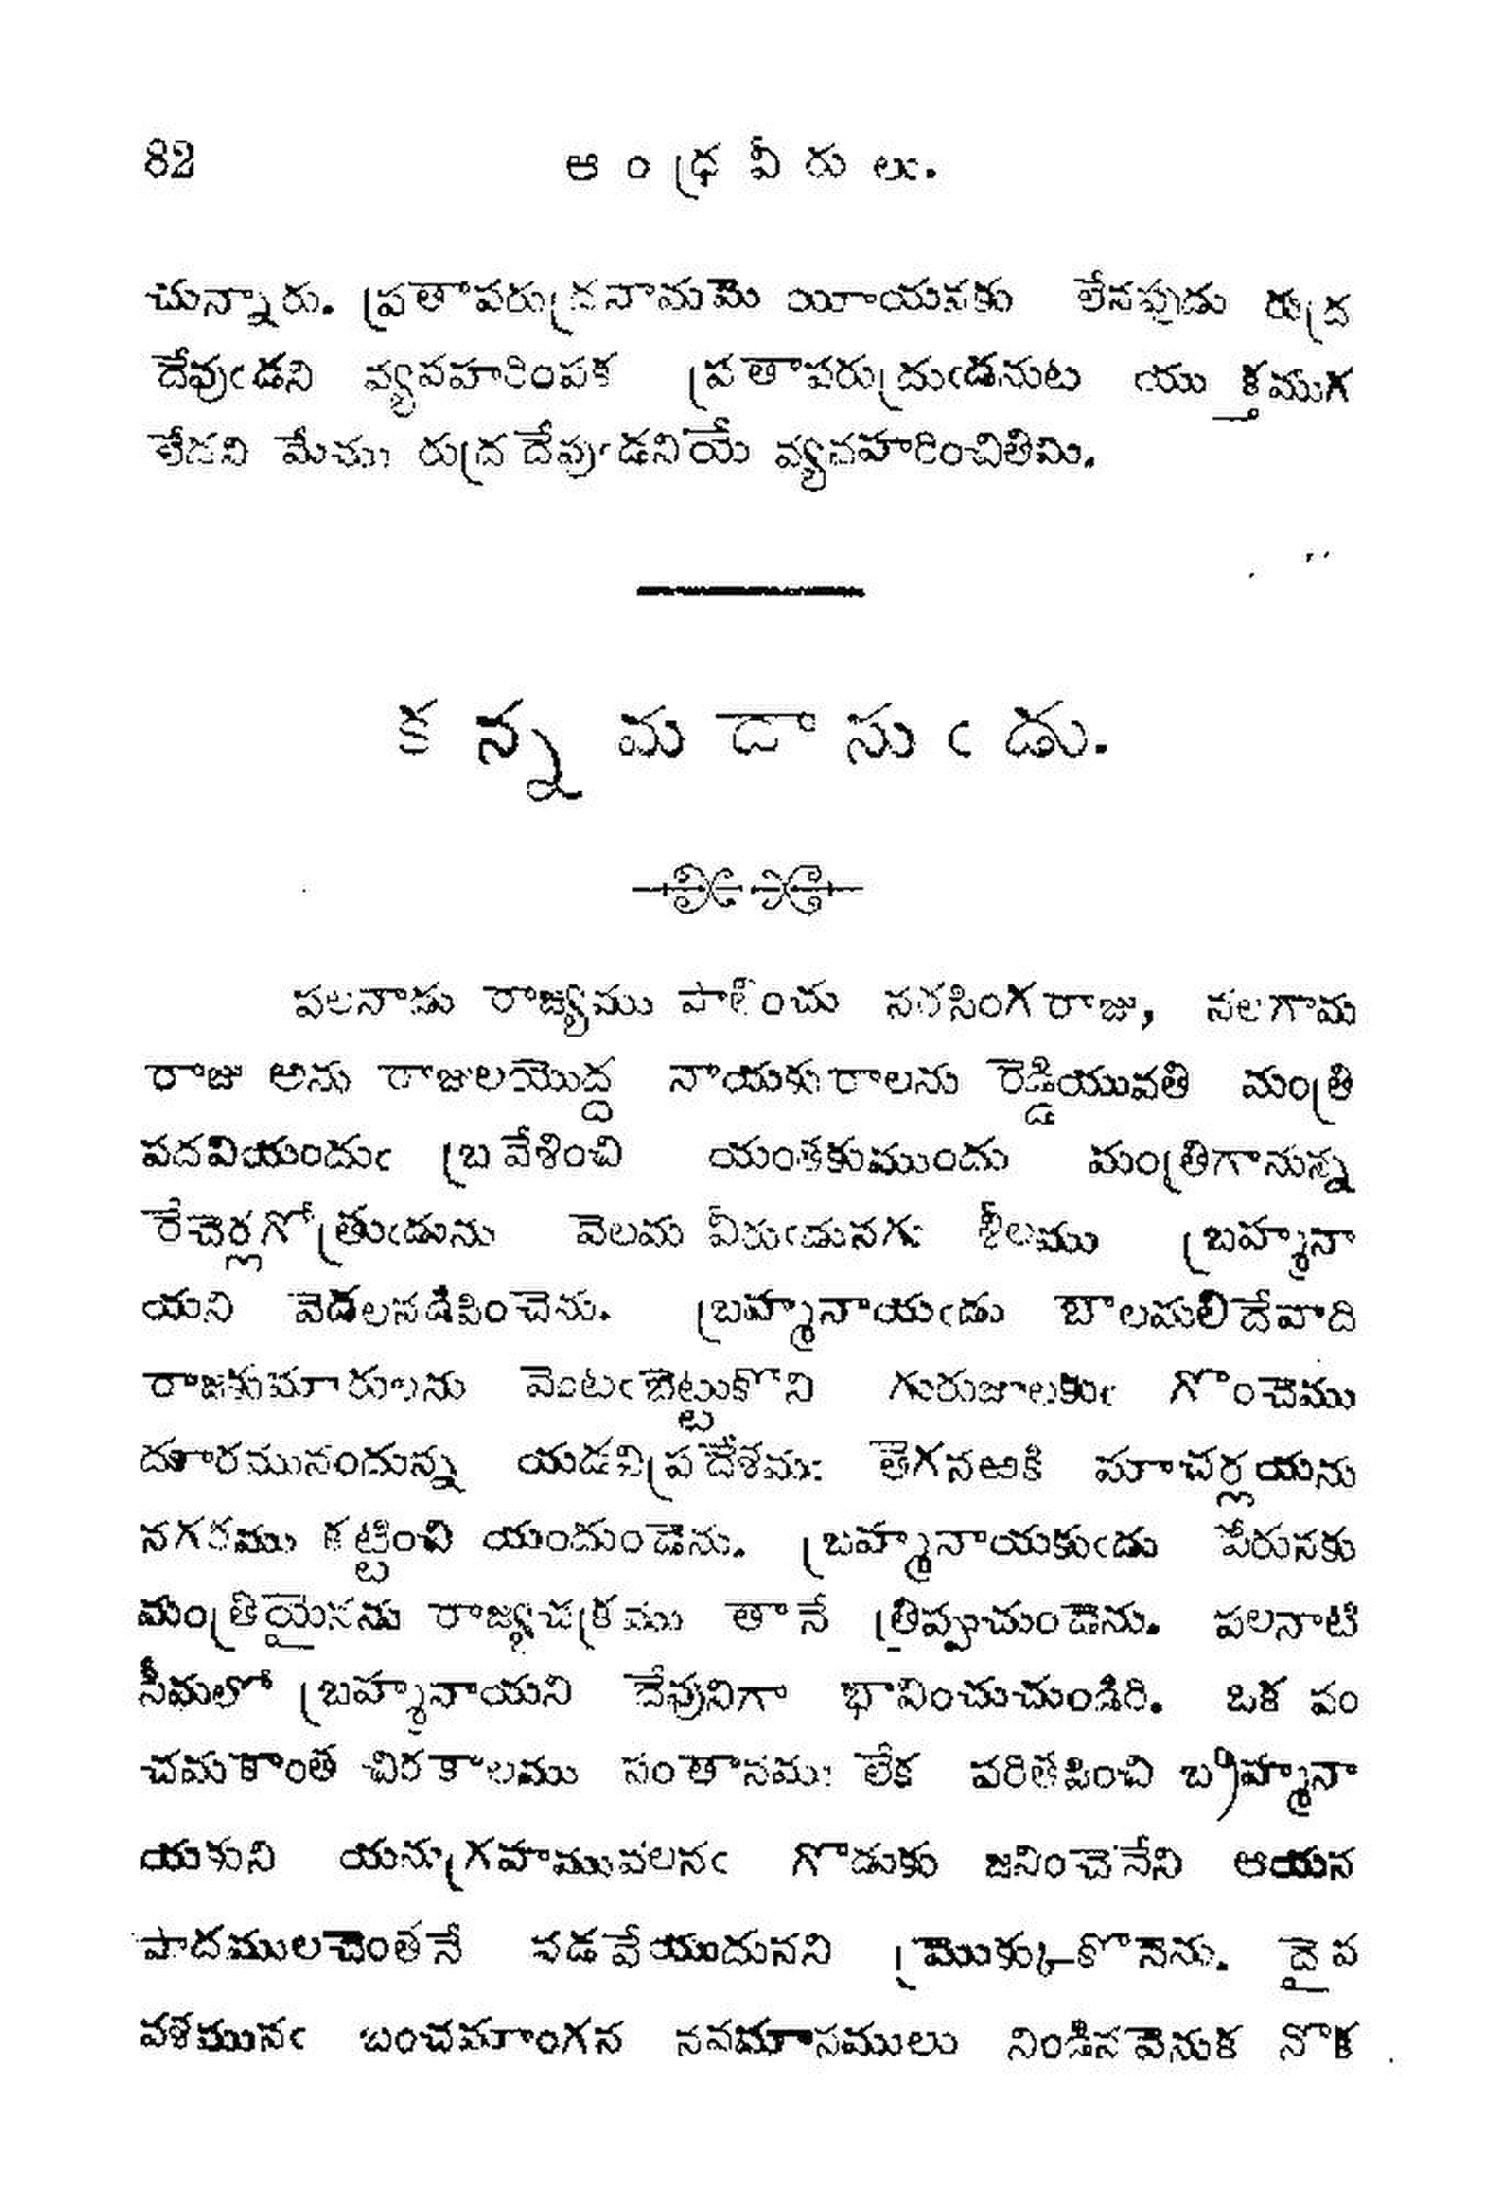చున్నారు. ప్రతాపరుద్రనామమె యీయనకు లేనపుడు రుద్రదేవుడని వ్యవహరింపక ప్రతాపరుద్రుడనుట యుక్తముగ లేదని మేము రుద్రదేవుడనియే వ్యవహరించితిమి.

_______

పలనాడు రాజ్యము పాలించు నరసింగరాజు, నలగామరాజు అను రాజులయొద్ద నాయకురాలను రెడ్డియువతి మంత్రి పదవియందు బ్రవేశించి యంతకుముందు మంత్రిగానున్న రేచెర్లగోత్రుడును వెలమ వీరుడునగు శీలము బ్రహ్మనాయని వెడలనడిపించెను. బ్రహ్మనాయడు బాలమలిదేవాది రాజకుమారులను వెంటబెట్టుకొని గురుజాలకు గొంచెము దూరమునందున్న యడవిప్రదేశము తెగనఱకి మాచర్లయను నగరము కట్టించి యందుండెను. బ్రహ్మనాయకుడు పేరునకు మంత్రియైనను రాజ్యచక్రము తానే త్రిప్పుచుండెను. పలనాటి సీమలో బ్రహ్మనాయని దేవునిగా భావించుచుండిరి. ఒక పంచమకాంత చిరకాలము సంతానము లేక పరితపించి బ్రహ్మనాయకుని యనుగ్రహమువలన గొడుకు జనించెనేని ఆయన పాదములచెంతనే పడవేయుదునని మ్రొక్కుకొనెను. దైవవశమున బంచమాంగన నవమాసములు నిండినవెనుక నొక